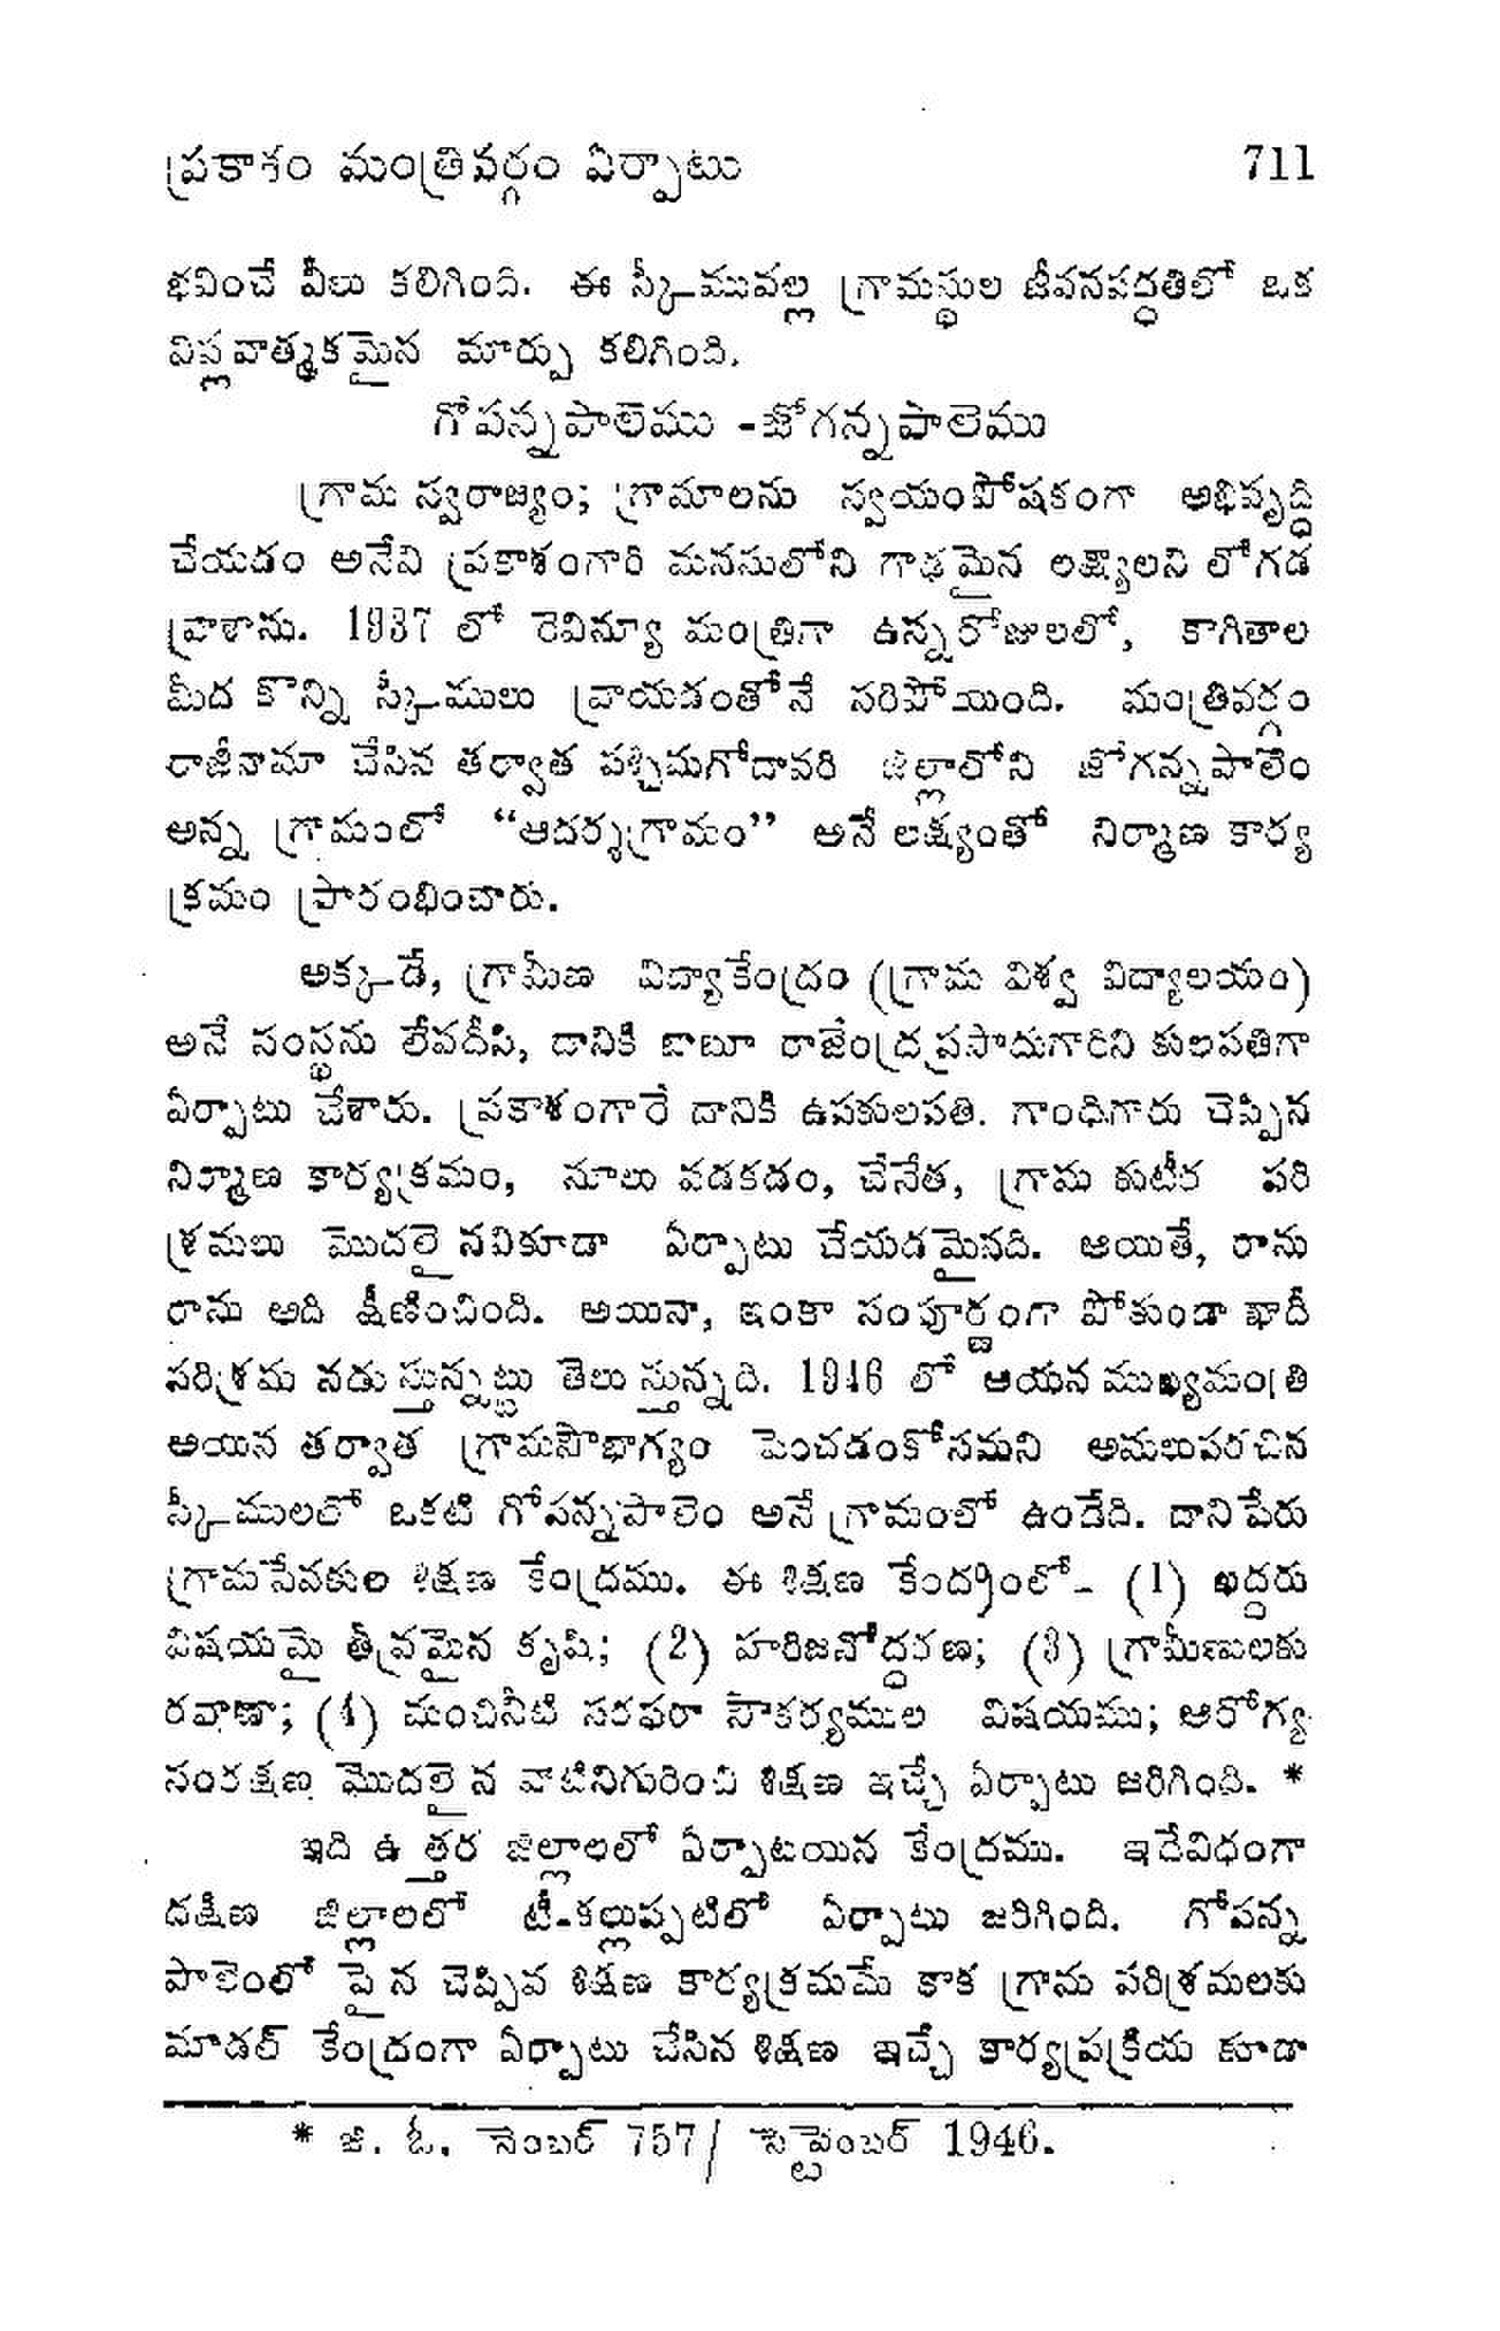భవించే వీలు కలిగింది. ఈ స్కీమువల్ల గ్రామస్థుల జీవనపద్ధతిలో ఒక విప్లవాత్మకమైన మార్పు కలిగింది.

గ్రామ స్వరాజ్యం; గ్రామాలను స్వయంపోషకంగా అభివృద్ధిచేయడం అనేవి ప్రకాశంగారి మనసులోని గాఢమైన లక్ష్యాలని లోగడ వ్రాశాను. 1937 లో రెవిన్యూ మంత్రిగా ఉన్నరోజులలో, కాగితాల మీద కొన్ని స్కీములు వ్రాయడంతోనే సరిపోయింది. మంత్రివర్గం రాజీనామా చేసిన తర్వాత పశ్చిమగోదావరి జిల్లాలోని జోగన్నపాలెం అన్న గ్రామంలో "ఆదర్శగ్రామం" అనే లక్ష్యంతో నిర్మాణ కార్యక్రమం ప్రారంభించారు.

అక్కడే, గ్రామీణ విద్యాకేంద్రం (గ్రామ విశ్వ విద్యాలయం) అనే సంస్థను లేవదీసి, దానికి బాబూ రాజేంద్రప్రసాదుగారిని కులపతిగా ఏర్పాటు చేశారు. ప్రకాశంగారే దానికి ఉపకులపతి. గాంధీగారు చెప్పిన నిర్మాణ కార్యక్రమం, నూలు వడకడం, చేనేత, గ్రామ కుటీర పరిశ్రమలు మొదలైనవికూడా ఏర్పాటు చేయడమైనది. అయితే, రాను రాను అది క్షీణించింది. అయినా, ఇంకా సంపూర్ణంగా పోకుండా ఖాదీ పరిశ్రమ నడుస్తున్నట్టు తెలుస్తున్నది. 1946 లో ఆయన ముఖ్యమంత్రి అయిన తర్వాత గ్రామసౌభాగ్యం పెంచడంకోసమని అమలుపరచిన స్కీములలో ఒకటి గోపన్నపాలెం అనే గ్రామంలో ఉండేది దానిపేరు గ్రామసేవకుల శిక్షణ కేంద్రము. ఈ శిక్షణ కేంద్రంలో - (1) ఖద్దరు విషయమై తీవ్రమైన కృషి; (2) హరిజనోద్దరణ; (3) గ్రామీణులకు రవాణా; (4) మంచినీటి సరఫరా సౌకర్యముల విషయము; ఆరోగ్య సంరక్షణ మొదలైన వాటినిగురించి శిక్షణ ఇచ్చే ఏర్పాటు జరిగింది. 

ఇది ఉత్తర జిల్లాలలో ఏర్పాటయిన కేంద్రము. ఇదేవిధంగా దక్షిణ జిల్లాలలో టీ - కల్లుప్పటిలో ఏర్పాటు జరిగింది. గోపన్నపాలెంలో పైన చెప్పిన శిక్షణ కార్యక్రమమే కాక గ్రామ పరిశ్రమలకు మాడల్ కేంద్రంగా ఏర్పాటు చేసిన శిక్షణ ఇచ్చే కార్యప్రక్రియ కూడా